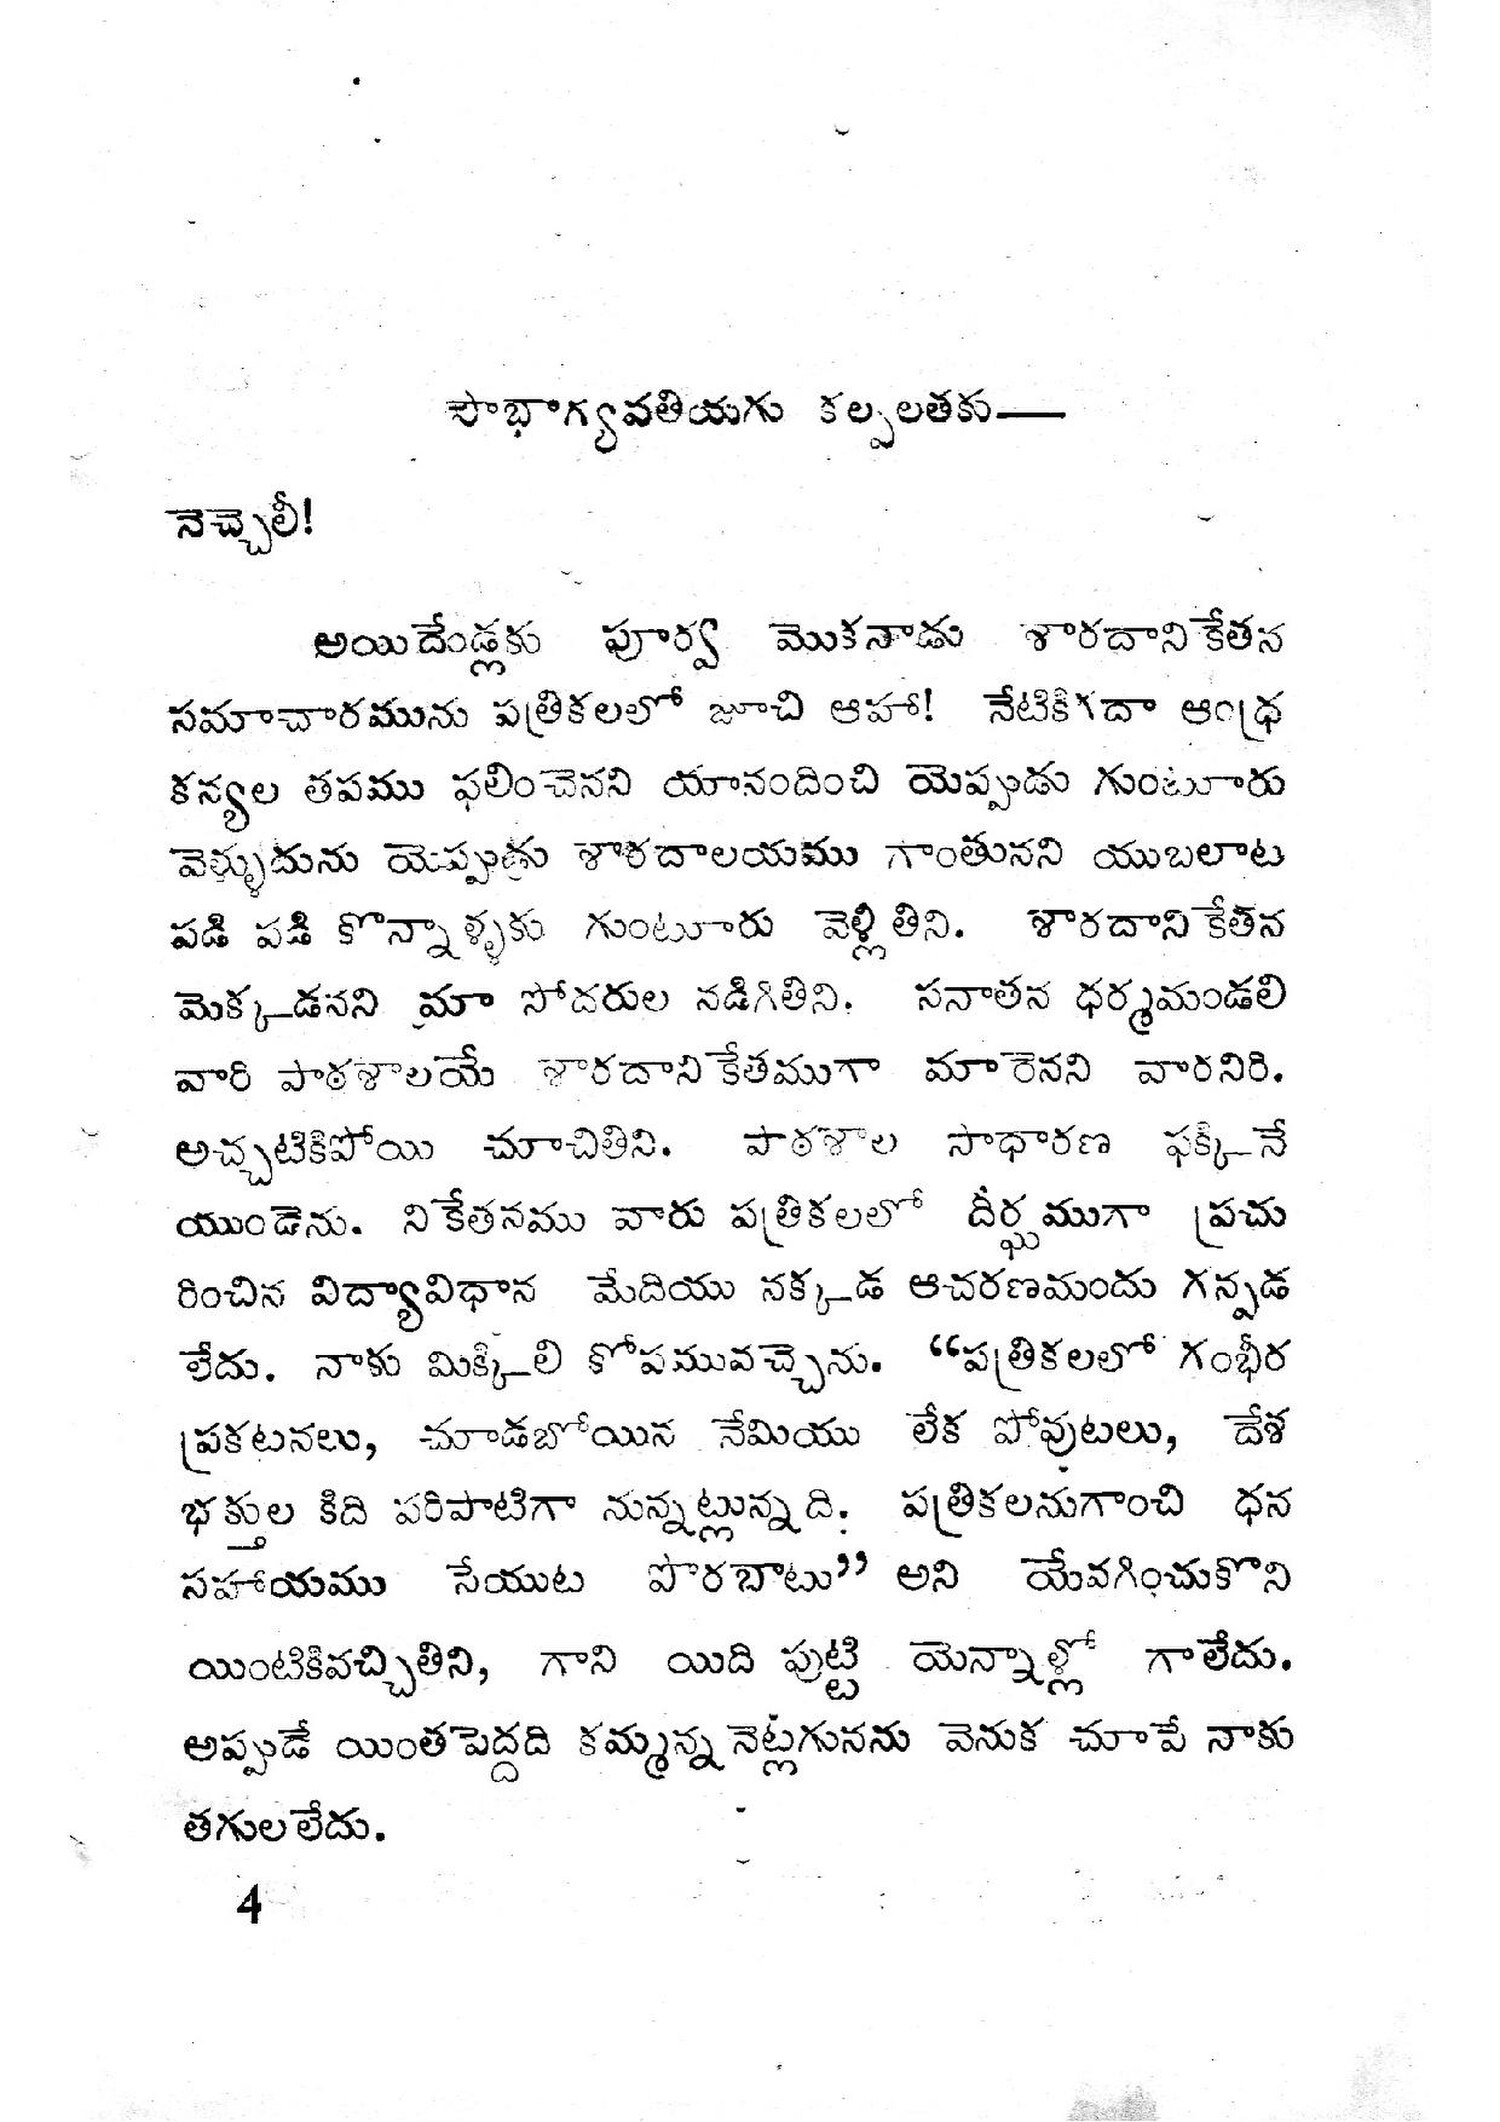సౌభాగ్యవతియగు కల్పలతకు :-

నెచ్చెలీ!

అయిదేండ్లకు పూర్వ మొకనాడు శారదానికేతన సమాచారమును పత్రికలలో జూచి ఆహా! నేటికిగదా ఆంధ్ర
కన్యల తపము ఫలించెనని యానందించి యెప్పుడు గుంటూరు వెళ్ళుదును యెప్పుడు శారదాలయము గాంతునని యుబలాట పడి పడి కొన్నాళ్ళకు గుంటూరు వెళ్లితిని. శారదానికేతన మెక్కడనని మా సోదరుల నడిగితిని. సనాతన ధర్మమండలి వారి పాఠశాలయే శారదానికేతముగా మారెనని వారనిరి. అచ్చటికిపోయి చూచితిని. పాఠశాల సాధారణ ఫక్కినే యుండెను. నికేతనము వారు పత్రికలలో దీర్ఘముగా ప్రచురించిన విద్యావిధాన మేదియు నక్కడ ఆచరణమందు గన్పడ లేదు. నాకు మిక్కిలి కోపమువచ్చెను. “పత్రికలలో గంభీర ప్రకటనలు, చూడబోయిన నేమియు లేక పోవుటలు, దేశ భక్తుల కిది పరిపాటిగా నున్నట్లున్నది. పత్రికలనుగాంచి ధనసహాయము సేయుట పొరబాటు" అని యేవగించుకొని యింటికివచ్చితిని, గాని యిది పుట్టి యెన్నాళ్లో గాలేదు. అప్పుడే యింతపెద్దది కమ్మన్న నెట్లగునను వెనుక చూపే నాకు తగులలేదు.